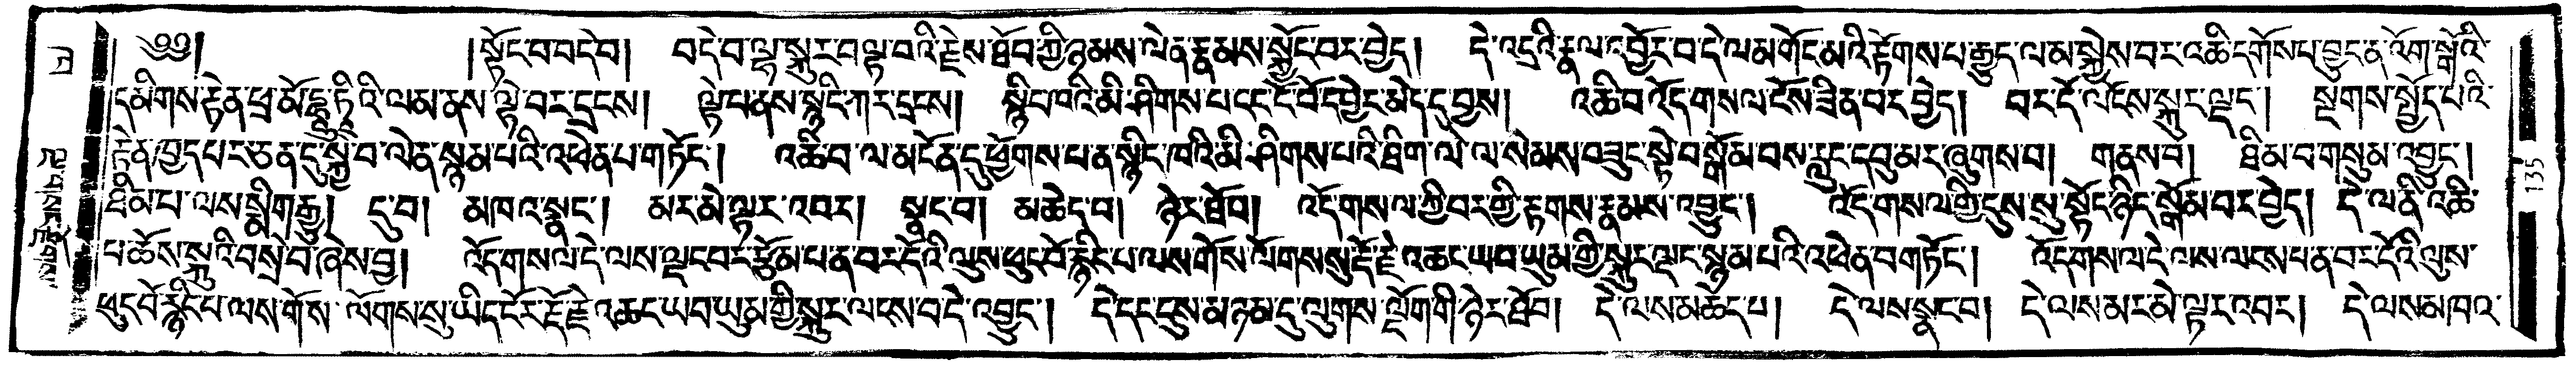༄༅། །སྟོང་བ་བདེ་བ། བདེ་བ་ལྷ་སྐུར་བ་ལྟ་བའི་རྗེས་ཐོབ་ཀྱི་ཉམས་ལེན་རྣམས་སྐྱོང་བར་བྱེད། དེ་འདྲའི་རྣལ་འབྱོར་བ་དེ་ལམ་གོང་མའི་རྟོགས་པ་རྒྱུད་ལམ་སྐྱེས་བར་འཆི་དགོས་པ་བྱུང་ན་འོག་སྒོའི་
དམིགས་རྟེན་ཕྲ་མོ་དྷཱུ་ཏཱིའི་ལམ་ནས་ལྟེ་བར་དྲངས། ལྟེ་པ་ནས་སྙིང་ཀར་དྲངས། སྙིང་ཁའི་མི་ཤིགས་པ་དང་ངོ་བོ་དབྱེར་མེད་དུ་བྱས། འཆི་བ་འོད་གསལ་ངོས་ཟིན་པར་བྱེད། བར་དོ་ལོངས་སྐུར་ལྡང་། སྔགས་སྤྱོད་པའི་
རྟེན་ཁྱད་པར་ཅན་དུ་སྐྱེ་བ་ལེན་སྙམ་པའི་འཕེན་པ་གཏོང་། འཆི་བ་ལ་མངོན་དུ་ཕྱོགས་པ་ན་སྙིང་ཁའི་མི་ཤིགས་པའི་ཐིག་ལེ་ལ་སེམས་བཟུང་སྟེ་བསྒོམ་པས་རླུང་དབུ་མར་ཞུགས་པ། གནས་པ། ཐིམ་པ་གསུམ་འབྱུང་།
ཐིམ་པ་ལས་སྨིག་རྒྱུ། དུ་བ། མཁའ་སྣང་། མར་མེ་ལྟར་འབར། སྣང་བ། མཆེད་པ། ཉེར་ཐོབ། འོད་གསལ་ཀྱི་བར་གྱི་རྟགས་རྣམས་འབྱུང་། འོད་གསལ་གྱི་དུས་སུ་སྟོང་ཉིད་སྒོམ་པར་བྱེད། དེ་ལ་ནི་འཆི་
པ་ཆོས་སྐུའི་བསྲེ་བ་ཞེས་བྱ། འོད་གསལ་དེ་ལས་ལྡང་བར་རྩོམ་པ་ན་བར་དོའི་ལུས་ཕུང་པོ་རྙིང་པ་ལས་གོས་ལོགས་སུ་རྡོ་རྗེ་འཆང་ཡབ་ཡུམ་གྱི་སྐུར་ལྡང་སྙམ་པའི་འཕེན་པ་གཏོང་། འོད་གསལ་དེ་ལས་ལངས་པ་ན་བར་དོའི་ལུས་
ཕུང་པོ་རྙིང་པ་ལས་གོས་ལོགས་སུ་ཡིད་ངོར་རྡོ་རྗེ་འཆང་ཡབ་ཡུམ་གྱི་སྐུར་ལངས་བ་དེ་འབྱུང་། དེ་དང་དུས་མཉམ་དུ་ལུགས་ལྡོག་གི་ཉེར་ཐོབ། དེ་ལས་མཆོད་པ། དེ་ལས་སྣང་བ། དེ་ལས་མར་མེ་ལྟར་འབར། དེ་ལས་མཁའ་